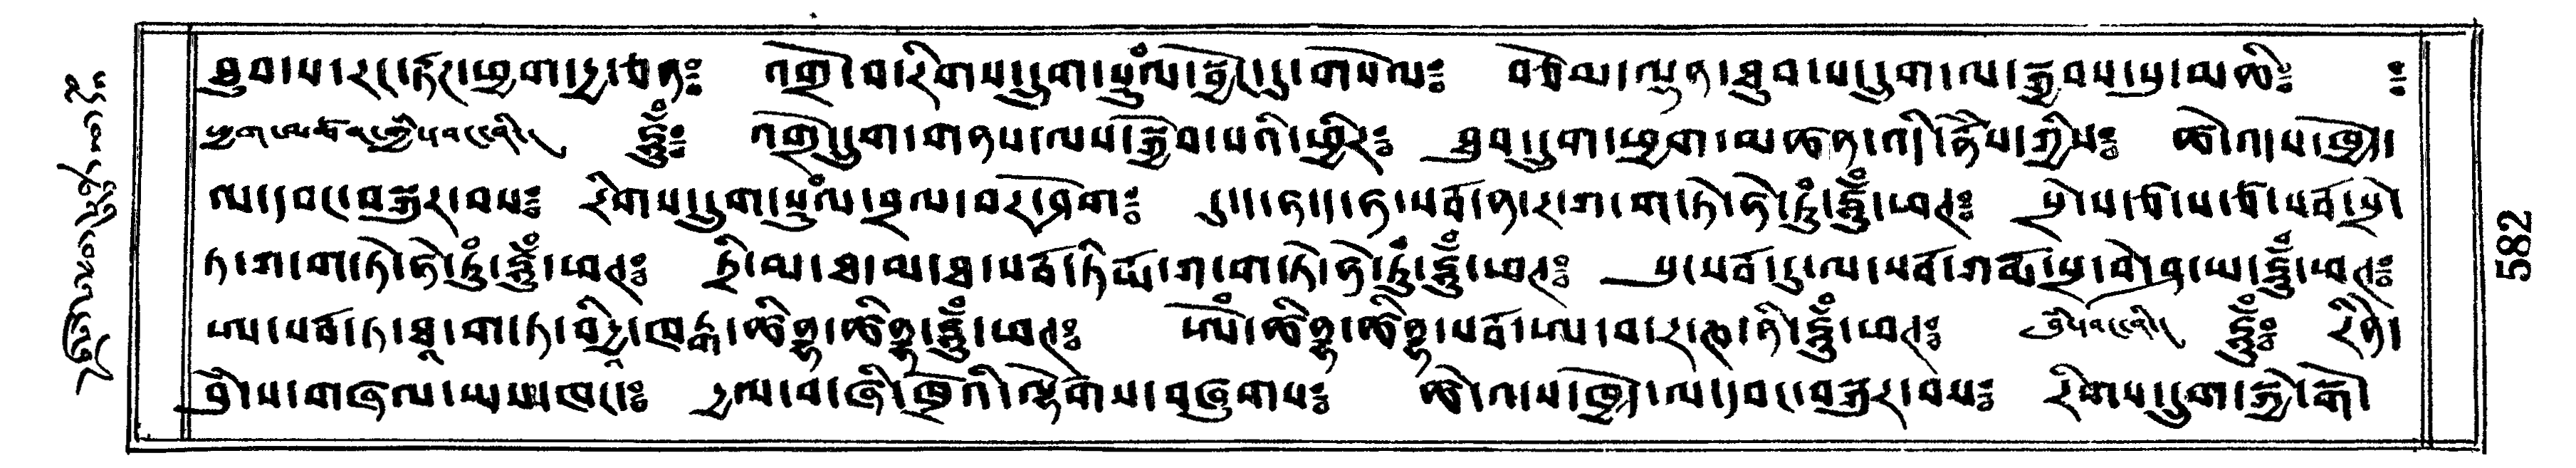ཐུབ་པ་རང་རྟགས་ཕྱག་རྒྱ་ཅན༔ འགྲོ་བ་རིགས་དྲུག་སྡུག་བསྔལ་སྦྱོང་དུ་གསོལ༔ བཅོམ་ལྡན་ཐུབ་པ་དྲུག་ལ་སྐྱབས་སུ་མཆི༔ 
ཕྱག་མཚན་གྱི་དབང་ནི། ཧཱུྃ༔ འགྲོ་དྲུག་གནས་ལས་སྐྱོབ་པའི་ཕྱིར༔ ཐུབ་དྲུག་ཕྱག་མཚན་འདི་རྣམས་ཀྱིས༔ ཚེ་འདས་ཁྱོད་
ལ་དབང་བསྐུར་བས༔ རིགས་དྲུག་སྡུག་བསྔལ་བྲལ་བར་ཤོག༔ དུ་ད་ཧ་ད་ཧ་སརྦ་ན་ར་ཀ་ག་ཏེ་ཧེ་ཏུཾ་ཧཱུྃ་ཕཊ༔ པྲེ་པ་ཙ་པ་ཙ་སརྦ་པྲེ་
ཏ་ཀ་ག་ཏེ་ཧེ་ཏུཾ་ཧཱུྃ་ཕཊ༔ ཏྲི་མ་ཐ་མ་ཐ་སརྦ་ཏིརྻ་ཀ་ག་ཏེ་ཧེ་ཏུཾ་ཧཱུྃ་ཕཊ༔ སུ་སརྦ་དུ་ལ་སརྦ་ཀརྨ་པྲ་བེ་ཤ་ཡ་ཧཱུྃ་ཕཊ༔ 
ཨ་སརྦ་ཏ་ཐཱ་ག་ཏ་བིདྱ་ཁཏྒ་ཚིནྡྷ་ཧཱུྃ་ཕཊ༔ ཨོཾ་ཚིནྡྷ་ཚིནྡྷ་སརྦ་ཨ་བ་ར་ཎ་ནི་ཧཱུྃ་ཕཊ༔ བུམ་དབང་ནི། ཧཱུྃ༔ རིན་ཆེན་
བུམ་པ་གཞལ་ཡས་ཁང༔ རྒྱལ་བ་ཞི་ཁྲོའི་ལྷ་ཚོགས་བཞུགས༔ ཚེ་འདས་ཁྱོད་ལ་དབང་བསྐུར་བས༔ རིགས་དྲུག་སྐྱེ་སྒོ་